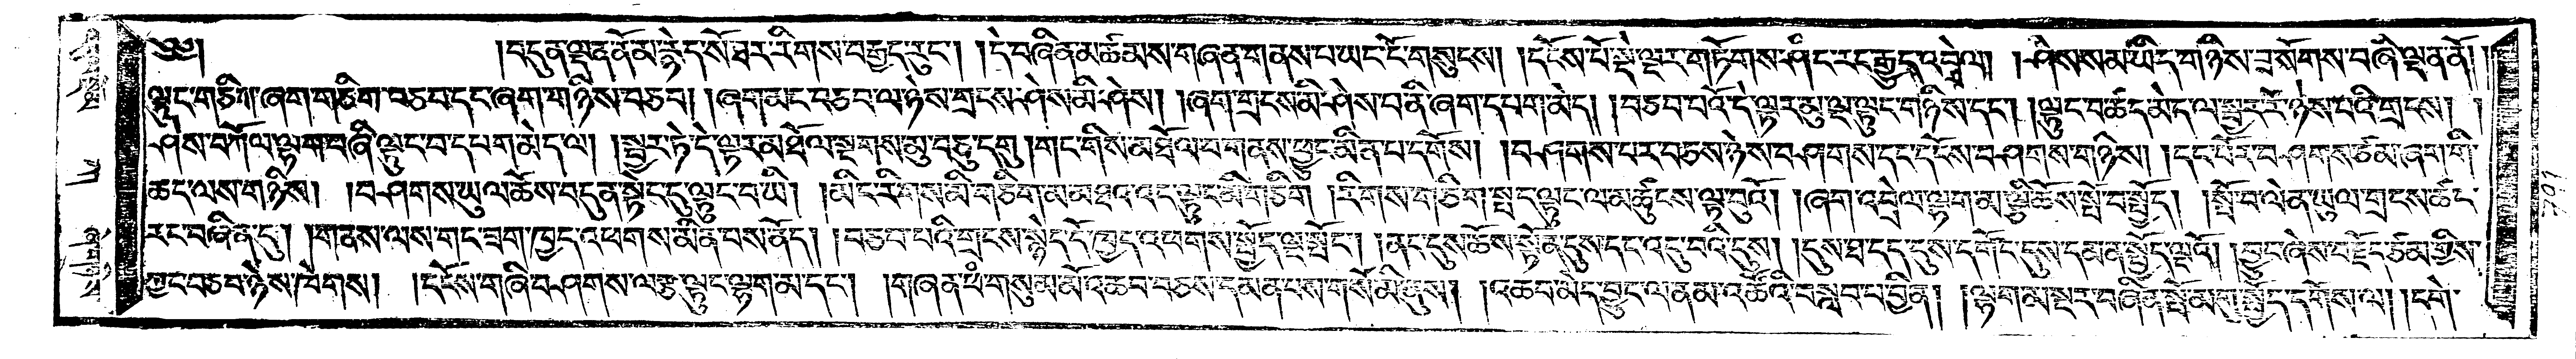༄༅། །བདུན་ལྡན་ནོ་མ་རྙེད་སོ་ཐར་རིགས་བརྒྱད་རུང་། །དེ་བཞིན་མཚམས་གཞན་གནས་པ་ཡང་ངོ་གསུངས། །དངོས་པོ་སྡེ་ལྔར་གཏོགས་ཤིང་རང་རྒྱུད་འབྲེལ། །ཤེས་སམ་ཡིད་གཉིས་ཟ་སོགས་བཞི་ལྡན་ནོ།།
ལྟུང་གཅིག་ཞག་གཅིག་བཅབ་དང་ཞག་གཉིས་བཅབ། །ཞག་མང་བཅབ་ལ་ཉེས་གྲངས་ཤེས་མི་ཤེས། །ཞག་གྲངས་མི་ཤེས་པ་ནི་ཞག་དཔག་མེད། །བཅབ་པའི་དེ་ལྟར་མུ་ལྔ་ལྟུང་གཉིས་དང་། །ལྟུང་བ་ཚད་མེད་ལ་སྦྱར་རོ་ཉེས་པའི་གྲངས། །
ཤེས་བཀོལ་ལྷག་བཞི་ལྟུང་བ་དཔག་མེད་ལ། །སྦྱར་ཏེ་དེ་ལྟར་མཐོལ་སྔགས་མུ་བཅུ་དགུ །གང་གིས་མཐོལ་བ་གནས་བྱུང་མིན་པ་དགོས། །བཤགས་པར་བཅས་ཉེས་བཤགས་དང་དངོས་བཞགས་གཉིས། །དང་པོར་བཤགས་ཙམ་ཞག་གི་
ཆད་ལས་གཉིས། །བཤགས་ཡུལ་ཆོས་བདུན་སྟེང་དུ་ལྟུང་བ་ཡི། །མིང་རིགས་མི་གཅིག་མ་མཐའ་འང་ལྟུང་མི་གཅིག །རིགས་གཅིག་སྤང་ལྟུང་ལ་མཚུངས་ལྟ་བུའོ། །ཞག་འབྲེལ་ལྷག་མ་ལྕི་ཆོས་སྤོ་བ་སྤྱོད། །སྤོ་བ་ལེན་ཡུལ་གྲངས་ཚང་
རང་བཞིན་དུ། །གནས་ལས་གང་ཟག་ཁྱད་འཕགས་མིན་པས་ནོད། །བཅབ་པའི་གྲངས་སྙེད་དོ་ཁྱད་འཕགས་སྤྱོད་ལྔ་སྤོང་། །ནང་དུས་ཆོས་སྟོན་དུས་དང་འདུ་བའི་དུས། །དུས་ཐ་དད་དུས་དགོང་དུས་དམན་སྤྱོད་ལྔའོ། །བྱུང་ཞེས་བརྗོད་ཙམ་གྱིས་
ཀྱང་བཅབ་ཉེས་ཁེགས། །དངོས་གཞི་བཤགས་ལ་རྩ་ལྟུང་ལྷག་མ་དང་། །གཞན་ཕ་གསུམ་མོ་འཆབ་བཅས་དམན་པས་གསོ་མི་ནུས། །འཆབ་མེད་བྱུང་ལན་མ་འཚོའི་བསླབ་པ་བྱིན། །ལྷག་མ་སྔར་བཞིན་སྤོ་མགུ་སྤྱོད་དགོས་ལ། །དགེ་